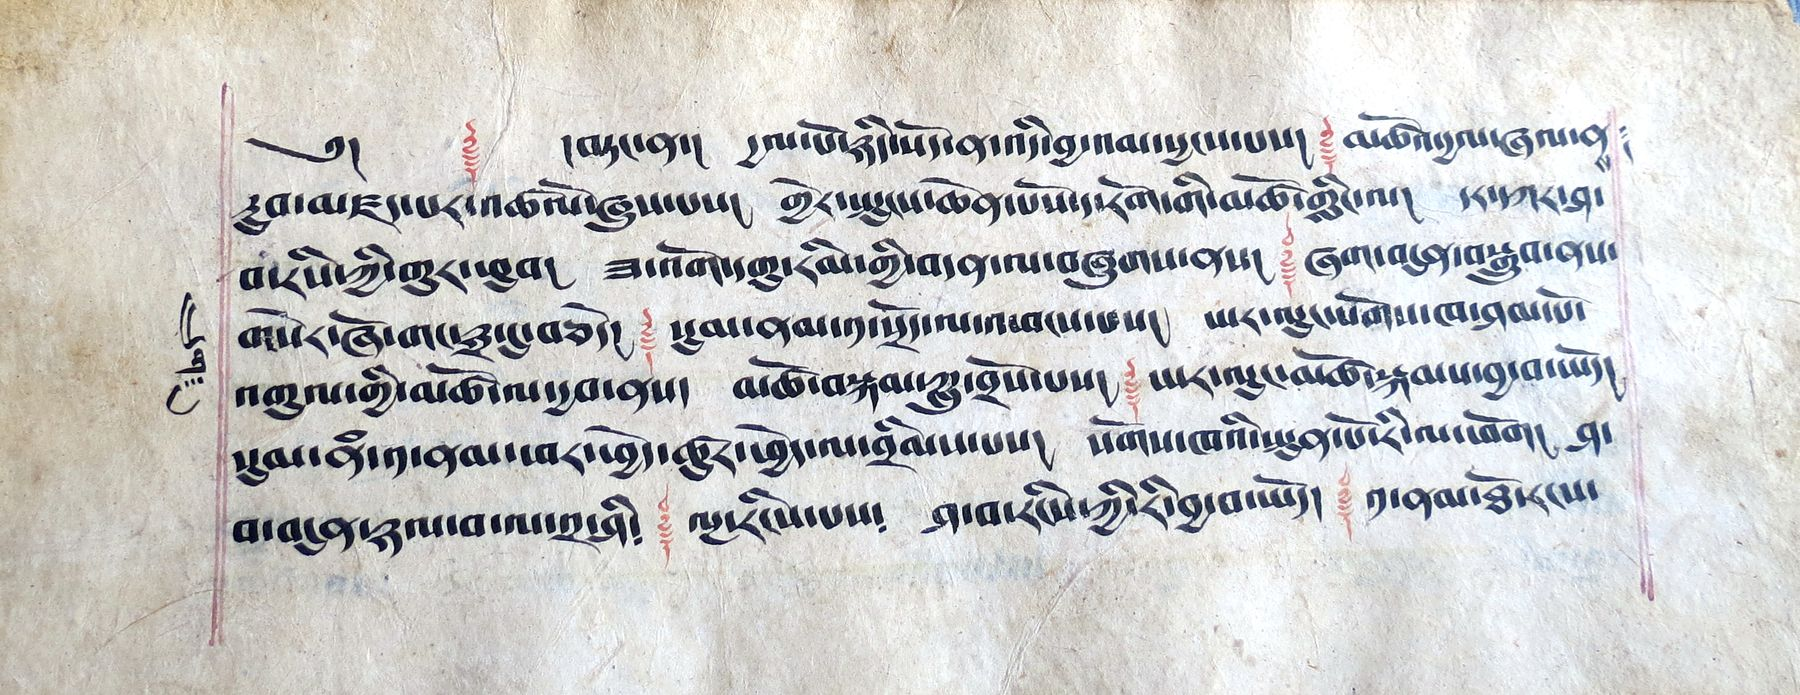བཏང་ན། རྒྱལ་པོ་ཉིད་སོད་པ་ཡོད་པ་འདི་བྱ་འམ། གསུངས་པས། མཚོ་རྒྱལ་གྱི་ཞལ་ནས་
རྔུབ་མཛད་པར་འཚལ་ལོ་ཞུས་པས། གྱེར་སྤུངས་ཆེན་པོ་ད་རོག་མཚོ་གླིང་ལ། དར་དཀར་ཤ་
བ་རིས་ཀྱི་གུར་ཕུབ། ཟ་འོག་དགུ་རིམ་གྱི་གདན་ལ་བཞུགས་ནས། ཞག་བདུན་བསྒྲུབས་ནས། 
གསེར་ཞོ་གཅིག་གསུམ་དུ་བཅད་ནས། སུམ་ནམ་གཅིག་སྲོད་ལ་འཕང་པས། ཡར་ལུང་ཤམ་པོའི་
མགུལ་གྱི་མཚོ་ལ་བརྒྱབས་ནས། མཚོ་སྐམས་ཀླུ་བྲོས་པས། ཡར་ལུང་མཚོ་སྐམས་བྱ་བ་ཡོད་དོ། ། 
སུམ་ནམ་གཅིག་ནམ་ཕར་ཕྱེད་ཚུར་ཕྱེད་ལ་འཕང་པས། སོགས་ཁ་སྤུན་པོའི་རི་ལ། ཤ་
བ་བདུན་ཉལ་བ་ལ་བརྒྱབས་ནས། གཉིས་ཤི་ལྔ་རེངས་པས། ཤ་བ་རིངས་ཀྱི་རི་བྱ་བ་ཡོད་དོ། གཅིག་ནམ་ཐོ་རངས་